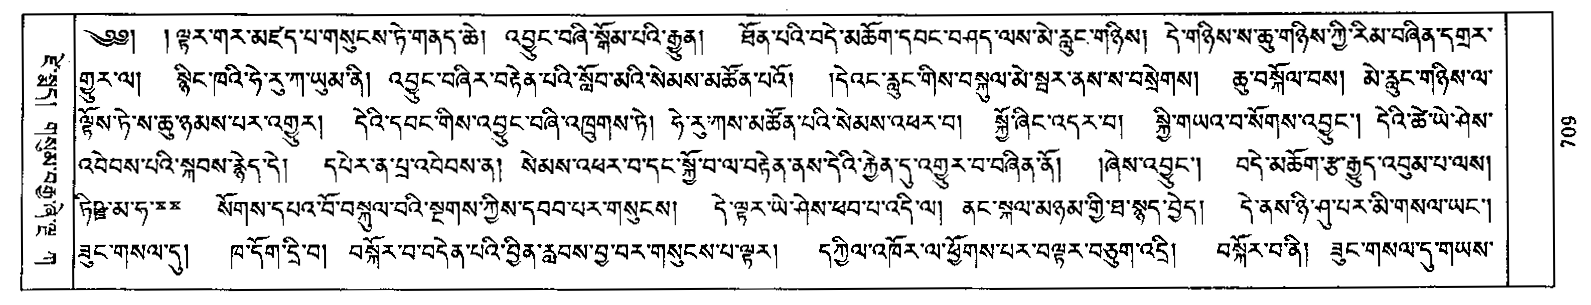༄༅། །ལྟར་གང་མཛད་པ་གསུངས་ཏེ་གནད་ཆེ། འབྱུང་བཞི་སྒོམ་པའི་རྒྱུན། ཐོན་པའི་བདེ་མཆོག་དབང་བཤད་ལས་མེ་རླུང་གཉིས། དེ་གཉིས་ས་ཆུ་གཉིས་ཀྱི་རིམ་བཞིན་དགྲར་
གྱུར་ལ། སྙིང་ཁའི་ཧེ་རུ་ཀ་ཡུམ་ནི། འབྱུང་བཞིར་བརྟེན་པའི་སློབ་མའི་སེམས་མཚོན་པའོ། །དེའང་རླུང་གིས་བསྐུལ་མེ་སྦར་ནས་ས་བསྲེགས། ཆུ་བསྐོལ་བས། མེ་རླུང་གཉིས་ལ་
ལྟོས་ཏེ་ས་ཆུ་ཉམས་པར་འགྱུར། དེའི་དབང་གིས་འབྱུང་བཞི་འཁྲུགས་ཏེ། ཧེ་རུ་ཀས་མཚོན་པའི་སེམས་འཕར་བ། སྐྱོ་ཞིང་འདར་བ། སྐྱི་གཡའ་བ་སོགས་འབྱུང་། དེའི་ཚེ་ཡེ་ཤེས་
འབེབས་པའི་སྐབས་རྙེད་དེ། དཔེར་ན་པྲ་འབེབས་ན། སེམས་འཕར་བ་དང་སྐྱོ་བ་ལ་བརྟེན་ནས་དེའི་རྐྱེན་དུ་འགྱུར་བ་བཞིན་ནོ། །ཞེས་འབྱུང་། བདེ་མཆོག་རྩ་རྒྱུད་འབུམ་པ་ལས།
ཏིཥཊཿཨ་མ་ཧ་྾྾་སོགས་དཔའ་བོ་བསྐུལ་བའི་སྔགས་ཀྱིས་དབབ་པར་གསུངས། དེ་ལྟར་ཡེ་ཤེས་ཕབ་པ་འདི་ལ། ནང་སྐལ་མཉམ་གྱི་ཐ་སྙད་བྱེད། དེ་ནས་ཉི་ཤུ་པར་མི་གསལ་ཡང་།
ཟུང་གསལ་དུ། ཁ་དོག་དྲི་བ། བསྐོར་བ་བདེན་པའི་བྱིན་རླབས་བྱ་བར་གསུངས་པ་ལྟར། དཀྱིལ་འཁོར་ལ་ཕྱོགས་པར་བལྟར་བཅུག་འདྲི། བསྐོར་བ་ནི། ཟུང་གསལ་དུ་གཡས་